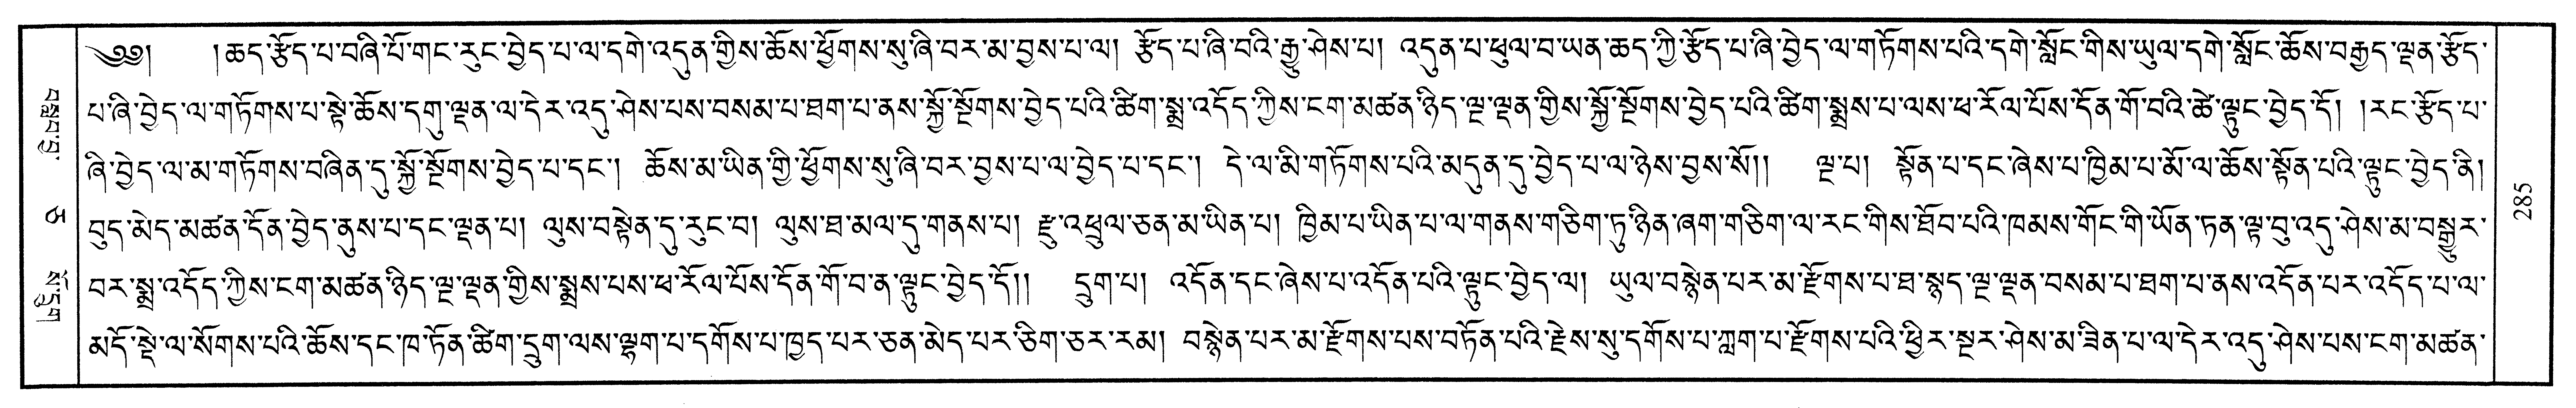༄༅། །ཆད་རྩོད་པ་བཞི་པོ་གང་རུང་བྱེད་པ་ལ་དགེ་འདུན་གྱིས་ཆོས་ཕྱོགས་སུ་ཞི་བར་མ་བྱས་པ་ལ། རྩོད་པ་ཞི་བའི་རྒྱུ་ཤེས་པ། འདུན་པ་ཕུལ་བ་ཡན་ཆད་ཀྱི་རྩོད་པ་ཞི་བྱེད་ལ་གཏོགས་པའི་དགེ་སློང་གིས་ཡུལ་དགེ་སློང་ཆོས་བརྒྱད་ལྡན་རྩོད་
པ་ཞི་བྱེད་ལ་གཏོགས་པ་སྟེ་ཆོས་དགུ་ལྡན་ལ་དེར་འདུ་ཤེས་པས་བསམ་པ་ཐག་པ་ནས་སྐྱོ་སྔོགས་བྱེད་པའི་ཚིག་སྨྲ་འདོད་ཀྱིས་ངག་མཚན་ཉིད་ལྔ་ལྡན་གྱིས་སྐྱོ་སྔོགས་བྱེད་པའི་ཚིག་སྨྲས་པ་ལས་ཕ་རོལ་པོས་དོན་གོ་བའི་ཚེ་ལྟུང་བྱེད་དོ། །རང་རྩོད་པ་
ཞི་བྱེད་ལ་མ་གཏོགས་བཞིན་དུ་སྐྱོ་སྔོགས་བྱེད་པ་དང་། ཆོས་མ་ཡིན་གྱི་ཕྱོགས་སུ་ཞི་བར་བྱས་པ་ལ་བྱེད་པ་དང་། དེ་ལ་མི་གཏོགས་པའི་མདུན་དུ་བྱེད་པ་ལ་ཉེས་བྱས་སོ།། ལྔ་པ། སྟོན་པ་དང་ཞེས་པ་ཁྱིམ་པ་མོ་ལ་ཆོས་སྟོན་པའི་ལྟུང་བྱེད་ནི།
བུད་མེད་མཚན་དོན་བྱེད་ནུས་པ་དང་ལྡན་པ། ལུས་བསྟེན་དུ་རུང་བ། ལུས་ཐ་མལ་དུ་གནས་པ། རྫུ་འཕྲུལ་ཅན་མ་ཡིན་པ། ཁྱིམ་པ་ཡིན་པ་ལ་གནས་གཅིག་ཏུ་ཉིན་ཞག་གཅིག་ལ་རང་གིས་ཐོབ་པའི་ཁམས་གོང་གི་ཡོན་ཏན་ལྟ་བུ་འདུ་ཤེས་མ་བསྒྱུར་
བར་སྨྲ་འདོད་ཀྱིས་ངག་མཚན་ཉིད་ལྔ་ལྡན་གྱིས་སྨྲས་པས་ཕ་རོལ་པོས་དོན་གོ་བ་ན་ལྟུང་བྱེད་དོ།། དྲུག་པ། འདོན་དང་ཞེས་པ་འདོན་པའི་ལྟུང་བྱེད་ལ། ཡུལ་བསྙེན་པར་མ་རྫོགས་པ་ཐ་སྙད་ལྔ་ལྡན་བསམ་པ་ཐག་པ་ནས་འདོན་པར་འདོད་པ་ལ་
མདོ་སྡེ་ལ་སོགས་པའི་ཆོས་དང་ཁ་ཏོན་ཚིག་དྲུག་ལས་ལྷག་པ་དགོས་པ་ཁྱད་པར་ཅན་མེད་པར་ཅིག་ཅར་རམ། བསྙེན་པར་མ་རྫོགས་པས་བཏོན་པའི་རྗེས་སུ་དགོས་པ་ཀླག་པ་རྫོགས་པའི་ཕྱིར་སྔར་ཤེས་མ་ཟིན་པ་ལ་དེར་འདུ་ཤེས་པས་ངག་མཚན་